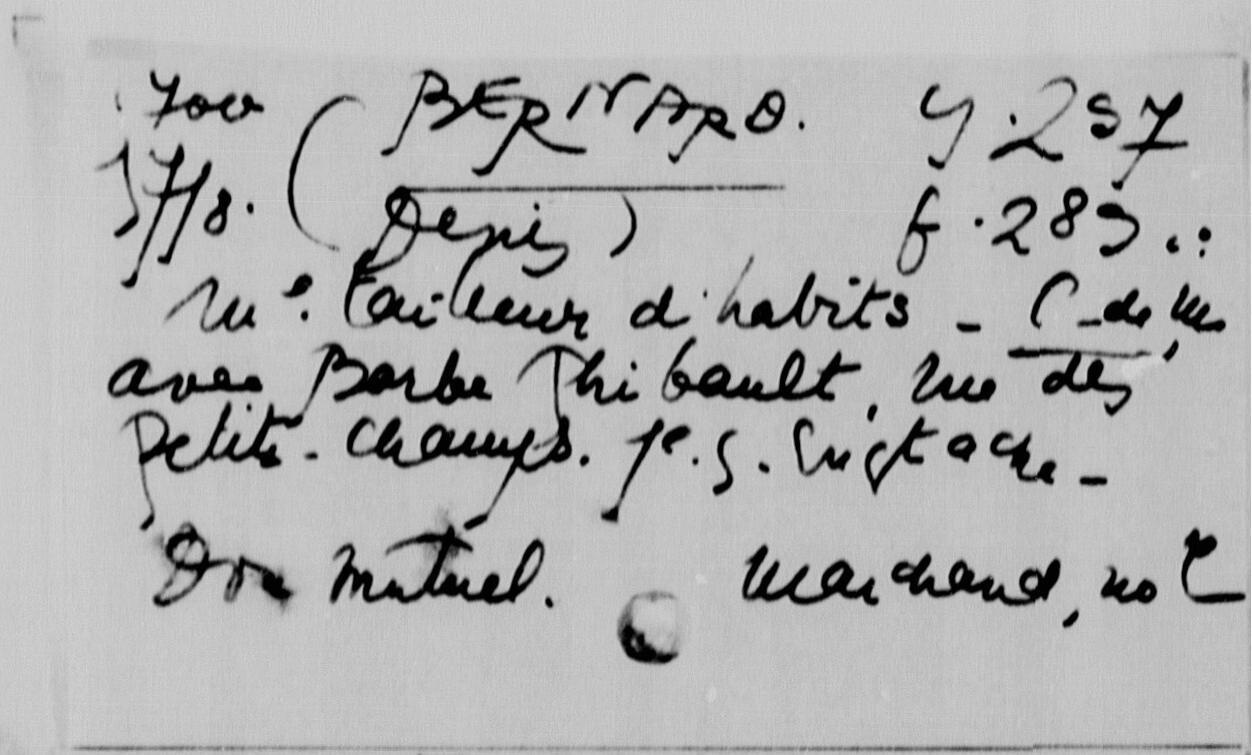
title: BERNARD (Denis)
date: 1700-1718
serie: Y
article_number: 257
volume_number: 289v
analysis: Maître tailleur d'habits. Contrat de mariage avec Barbe Thibault, rue des Petits-Champs paroisse Saint-Eustache Don mutuel Marchand, notaire
